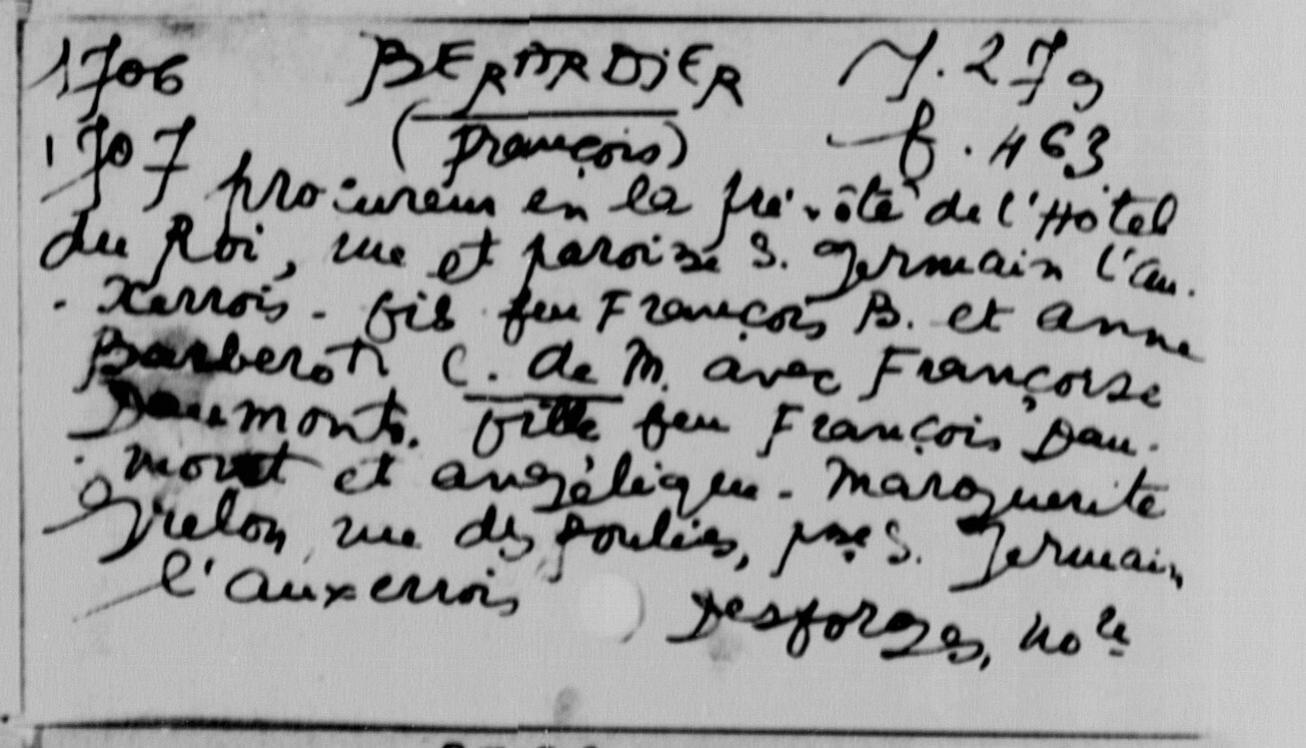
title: BERARDIER (François)
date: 1706-1707
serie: Y
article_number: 279
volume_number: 463
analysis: Procureur en la prévôté de l'Hôtel du roi, rue et paroisse Saint-Germain de l'Auxerrois, fils feu François Berardier et Anne Barberot. Contrat de mariage avec Françoise Daumont, fille feu François Daumont et Angélique-Marguerite Grelon, rue des Poulies, paroisse Saint-Germain l'Auxerrois. Desforges, notaire.
